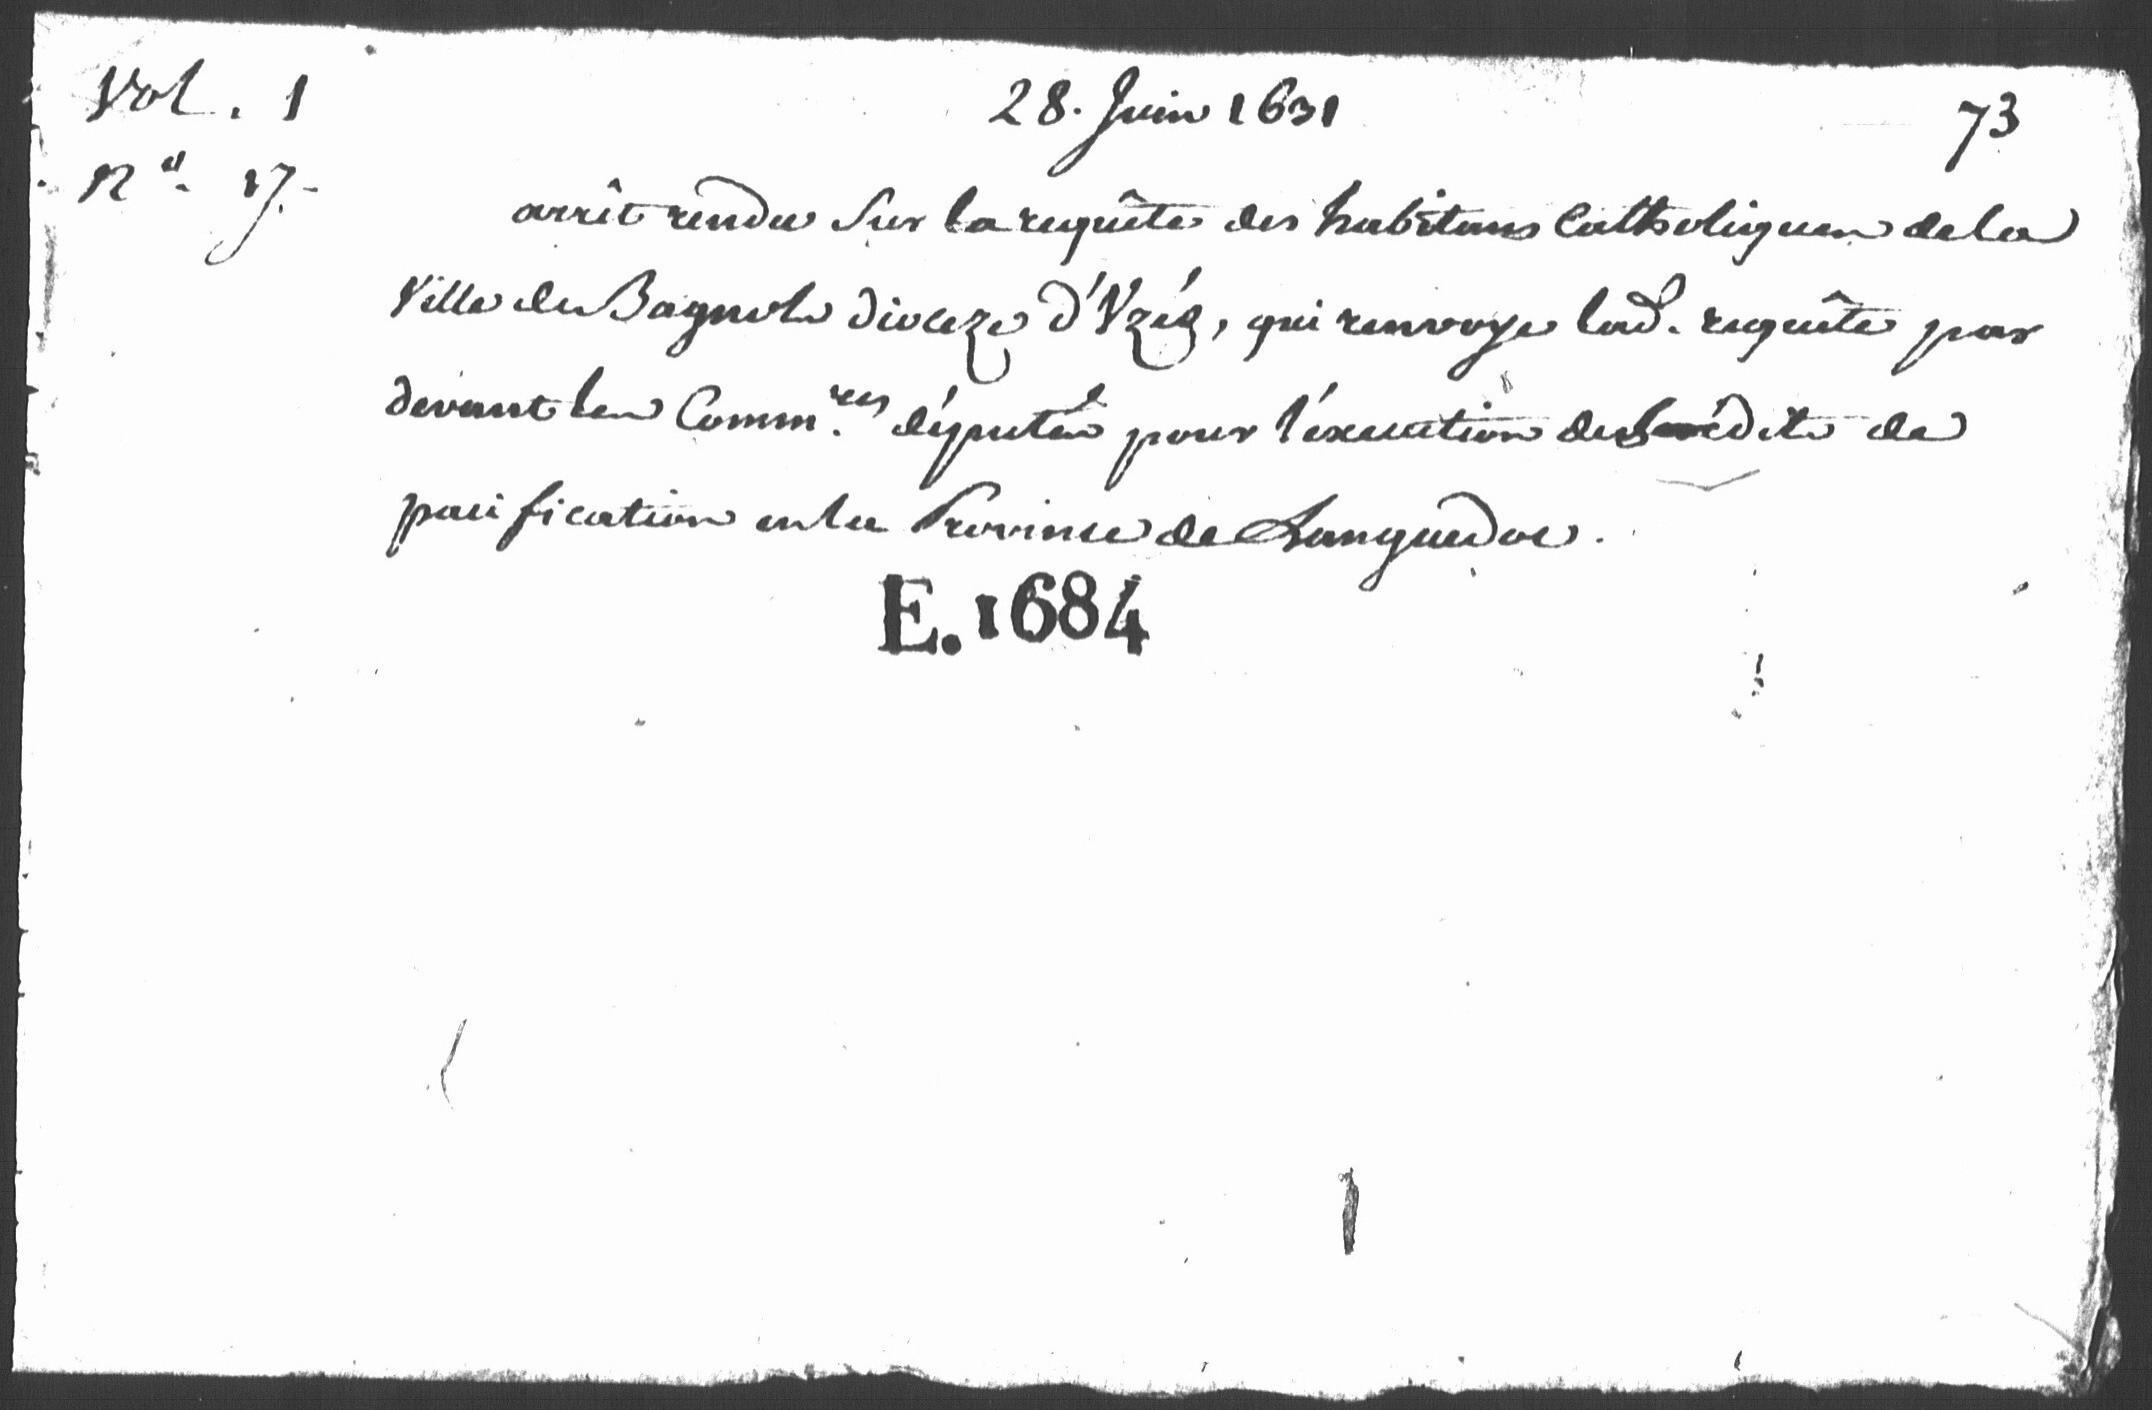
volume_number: n°17
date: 28 juin 1631
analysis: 73
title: arrêt rendu sur la requête des habitans catholiques de la Ville de Bagnols dioceze d'Uzès, qui renvoye lad. requête par devant les comm.res députés pour l'execution des édits de pacification en la Province de Languedoc.
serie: E
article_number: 1684
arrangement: vol. 1
